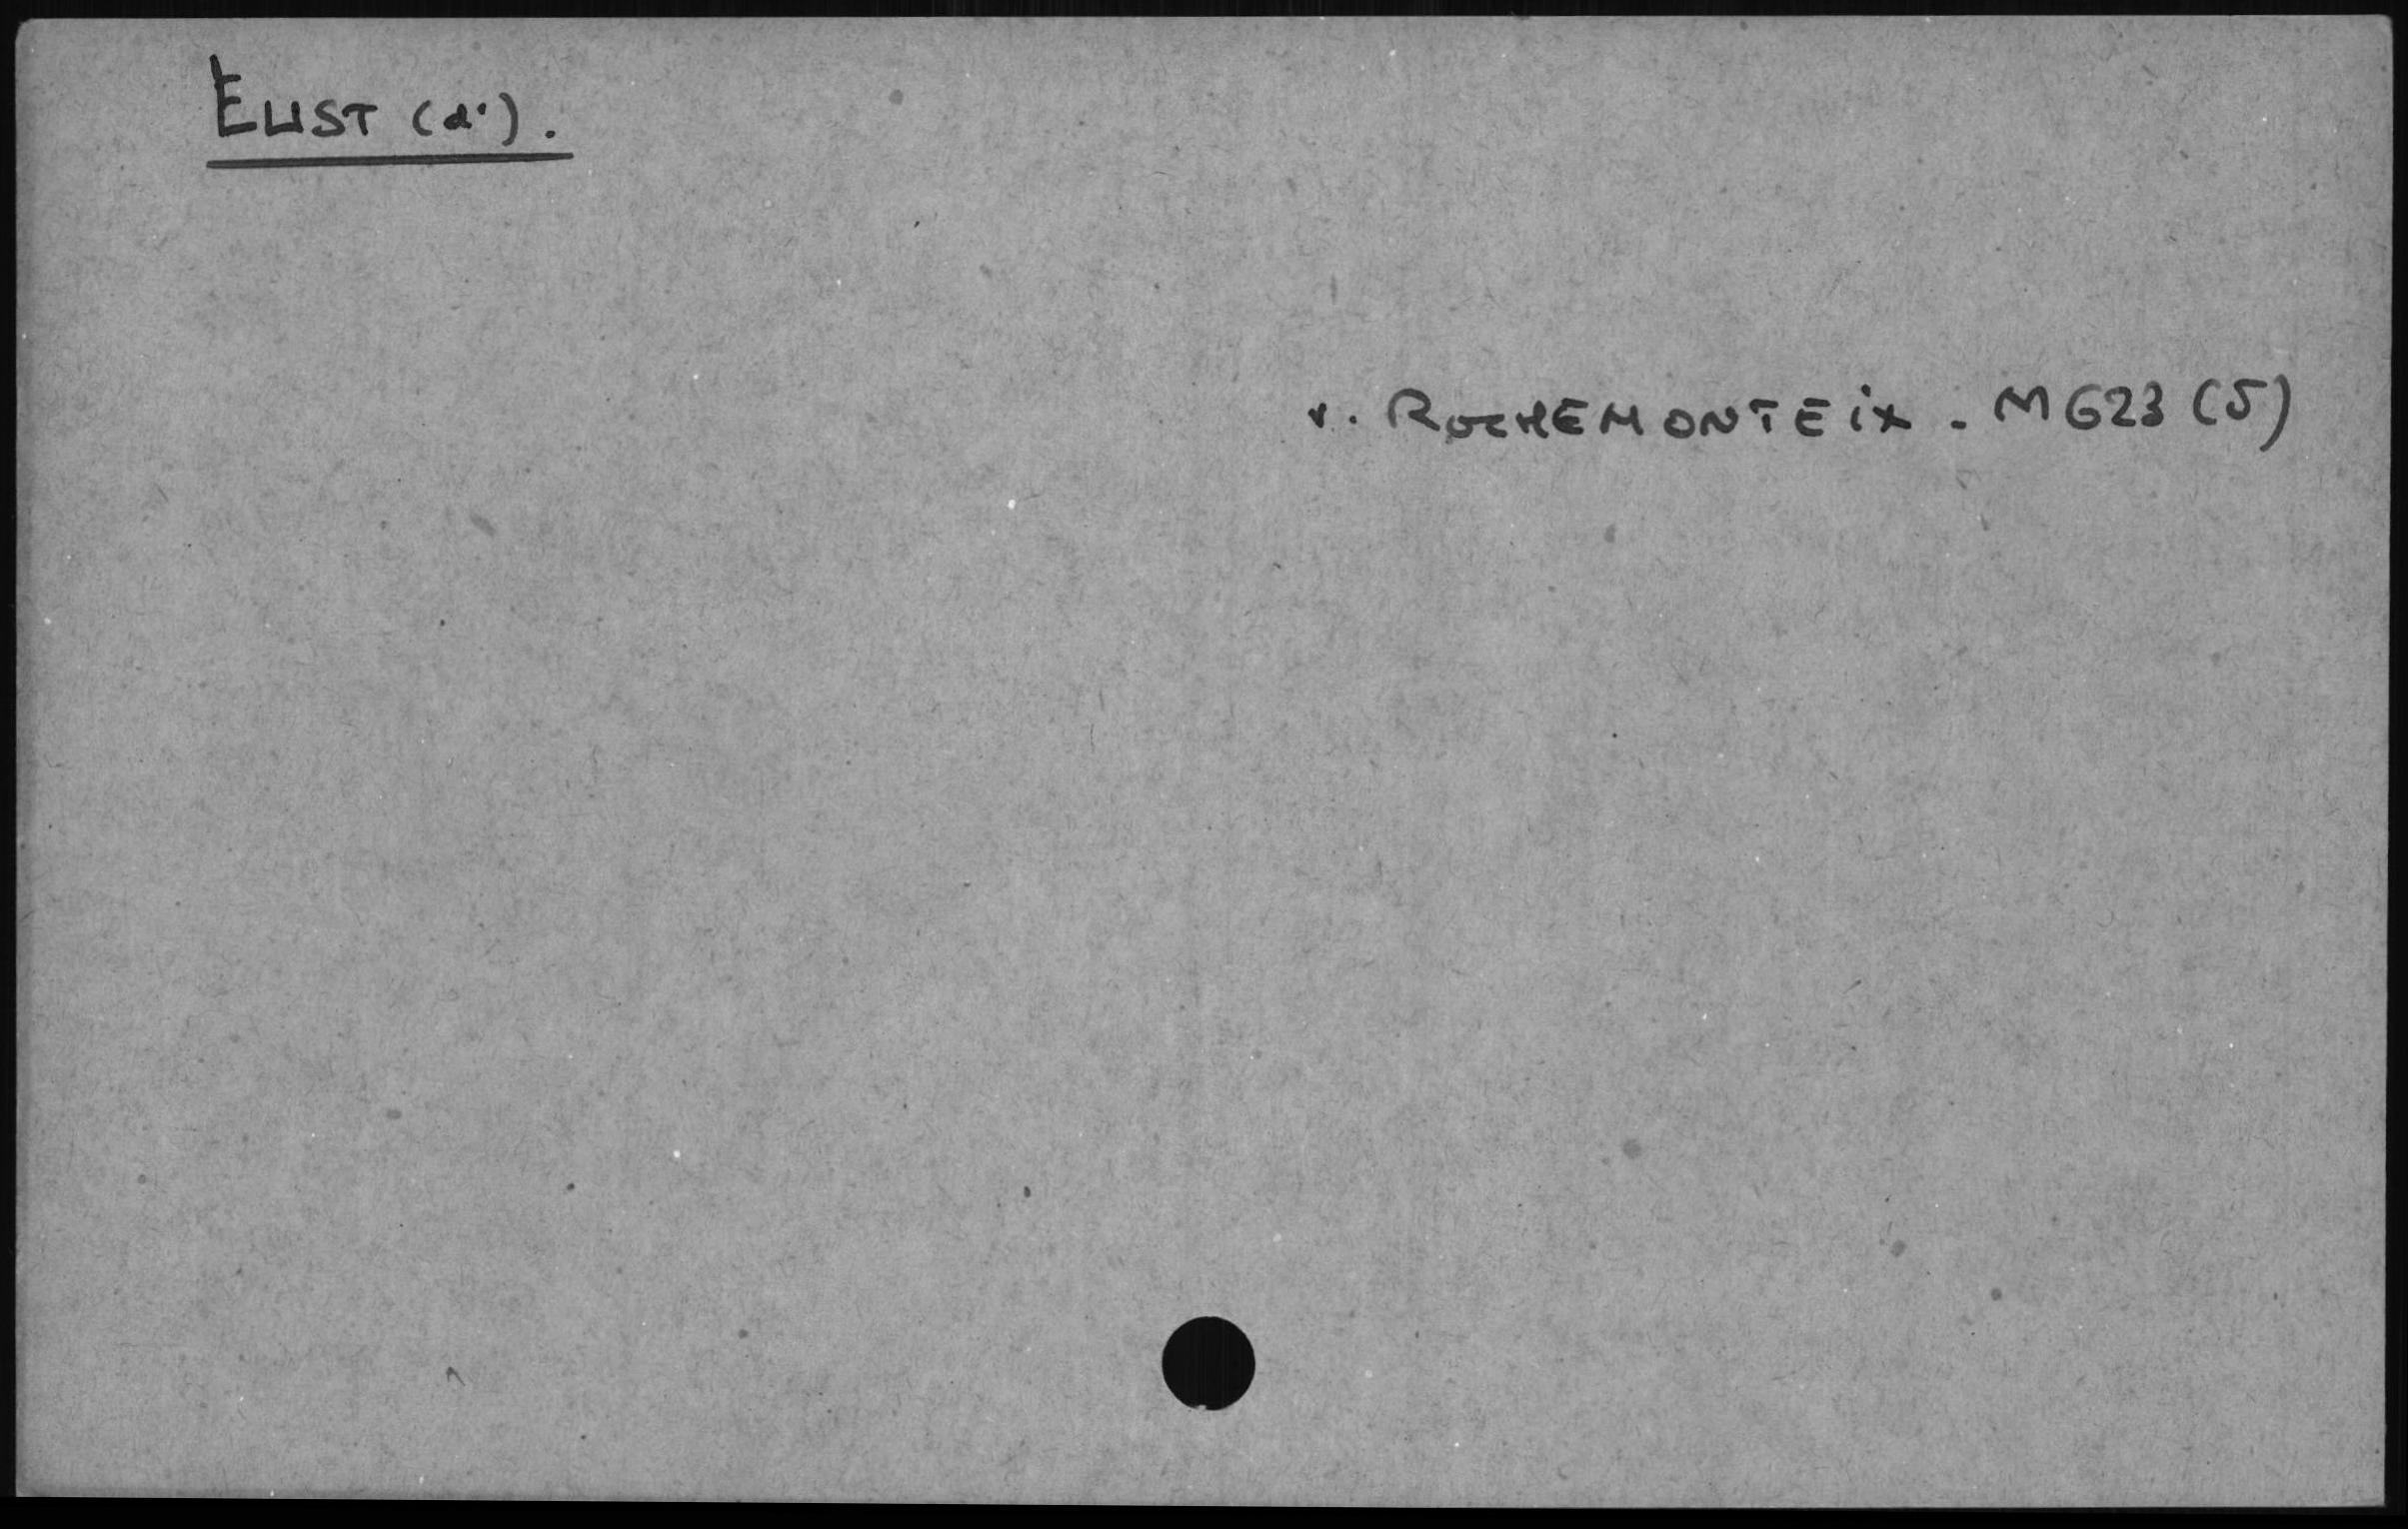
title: EUST (d'
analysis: voir ROCHEMONTEIX.
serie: M
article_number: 623
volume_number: (5)
